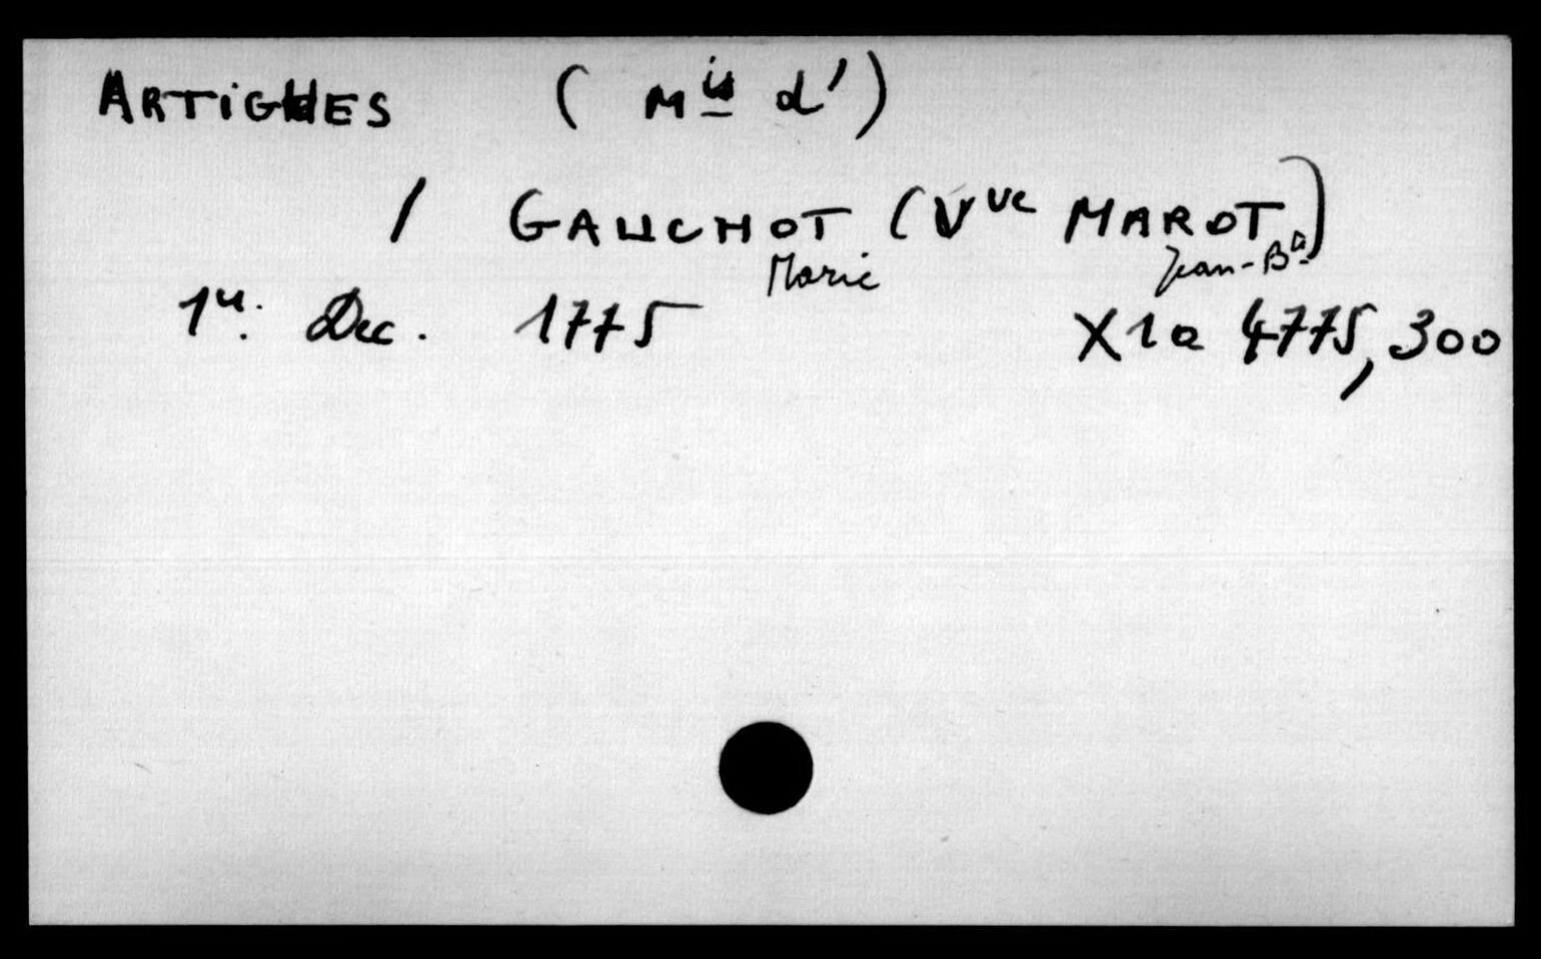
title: ARTIGUES (marquis d')
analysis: Contre GAUCHOT (Veuve MAROT Jean-Baptiste)
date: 1 décembre 1775
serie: X1a
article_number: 4775
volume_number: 300
